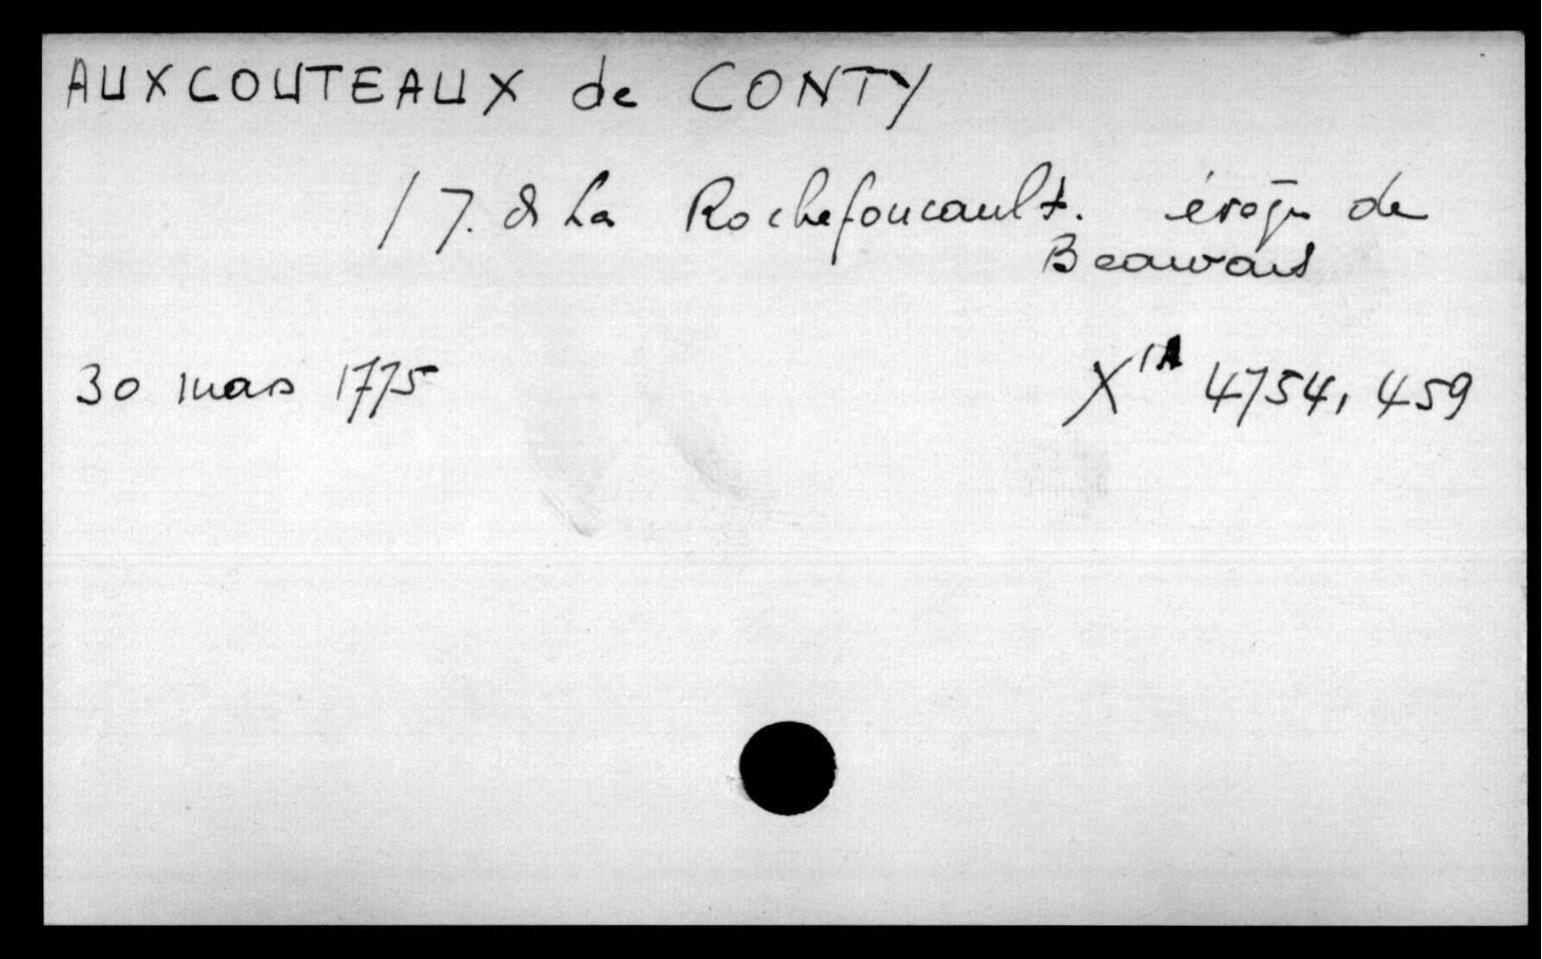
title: AUXCOUTEAUX de CONTY
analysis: Contre J. de la Rochefoucault évêque de Beauvais
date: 30 mars 1775
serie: X1A
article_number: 4754
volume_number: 459
